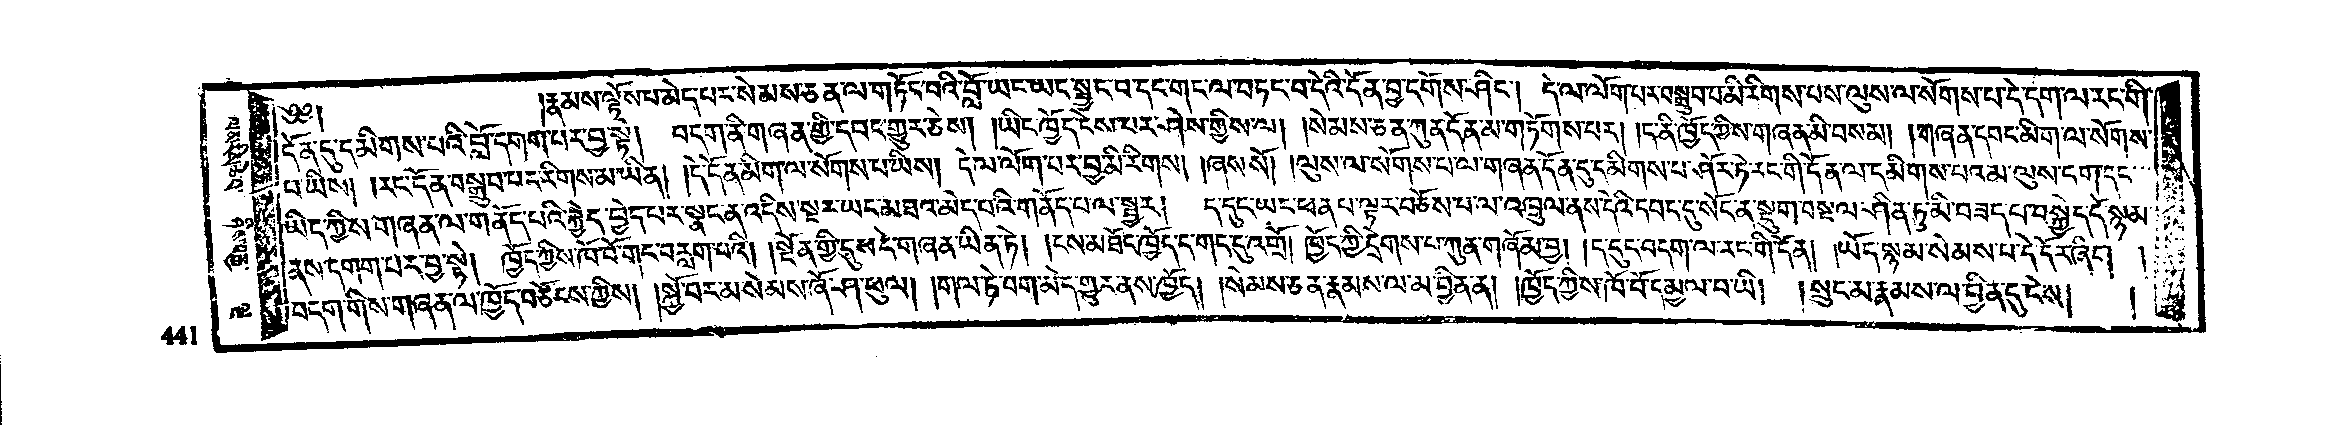༄༅། །རྣམས་ལྟོས་པ་མེད་པར་སེམས་ཅན་ལ་གཏོང་བའི་བློ་ཡང་ཡང་སྦྱང་བ་དང་གང་ལ་བཏང་བ་དེའི་དོན་བྱ་དགོས་ཤིང་། དེ་ལ་ལོག་པར་བསྒྲུབ་པ་མི་རིགས་པས་ལུས་ལ་སོགས་པ་དེ་དག་ལ་རང་གི་
དོན་དུ་དམིགས་པའི་བློ་དགག་པར་བྱ་སྟེ། བདག་ནི་གཞན་གྱི་དབང་གྱུར་ཅེས། །ཡིད་ཁྱོད་ངེས་པར་ཤེས་གྱིས་ལ། །སེམས་ཅན་ཀུན་དོན་མ་གཏོགས་པར། །དེ་ནི་ཁྱོད་ཀྱིས་གཞན་མི་བསམ། །གཞན་དབང་མིག་ལ་སོགས་
པ་ཡིས། །རང་དོན་བསྒྲུབ་པར་རིགས་མ་ཡིན། །དེ་དོན་མིག་ལ་སོགས་པ་ཡིས། །དེ་ལ་ལོག་པར་བྱ་མི་རིགས། །ཞེས་སོ། །ལུས་ལ་སོགས་པ་ལ་གཞན་དོན་དུ་དམིགས་པ་ཤོར་ཏེ་རང་གི་དོན་ལ་དམིགས་པའམ་ལུས་ངག་དང་
ཡིད་ཀྱིས་གཞན་ལ་གནོད་པའི་རྐྱེན་བྱེད་པར་སྣང་ན་འདིས་སྔར་ཡང་མཐའ་མེད་པའི་གནོད་པ་ལ་སྦྱར། ད་དུང་ཡང་ཕན་པ་ལྟར་བཅོས་པ་ལ་འཁྲུལ་ནས་དེའི་དབང་དུ་སོང་ན་སྡུག་བསྔལ་ཤིན་ཏུ་མི་བཟད་པ་བསྐྱེད་དོ་སྙམ་
ནས་དགག་པར་བྱ་སྟེ། ཁྱོད་ཀྱིས་ཁོ་བོ་གར་བརླག་པའི། །སྔོན་གྱི་དུས་དེ་གཞན་ཡིན་ཏེ། །ངས་མཐོང་ཁྱོད་ད་གང་དུ་འགྲོ། །ཁྱོད་ཀྱི་དྲེགས་པ་ཀུན་གཞོམ་བྱ། །ད་དུང་བདག་ལ་རང་གི་དོན། །ཡོད་སྙམ་སེམས་པ་དེ་དོར་ཞིག །
བདག་གིས་གཞན་ལ་ཁྱོད་བཙོངས་ཀྱིས། །སྐྱོ་བར་མ་སེམས་ཞོ་ཤ་ཕུལ། །གལ་ཏེ་བག་མེད་གྱུར་ནས་ཁྱོད། །སེམས་ཅན་རྣམས་ལ་མ་བྱིན་ན། །ཁྱོད་ཀྱིས་ཁོ་བོ་དམྱལ་བ་ཡི། །སྲུང་མ་རྣམས་ལ་བྱིན་དུ་ངེས། །